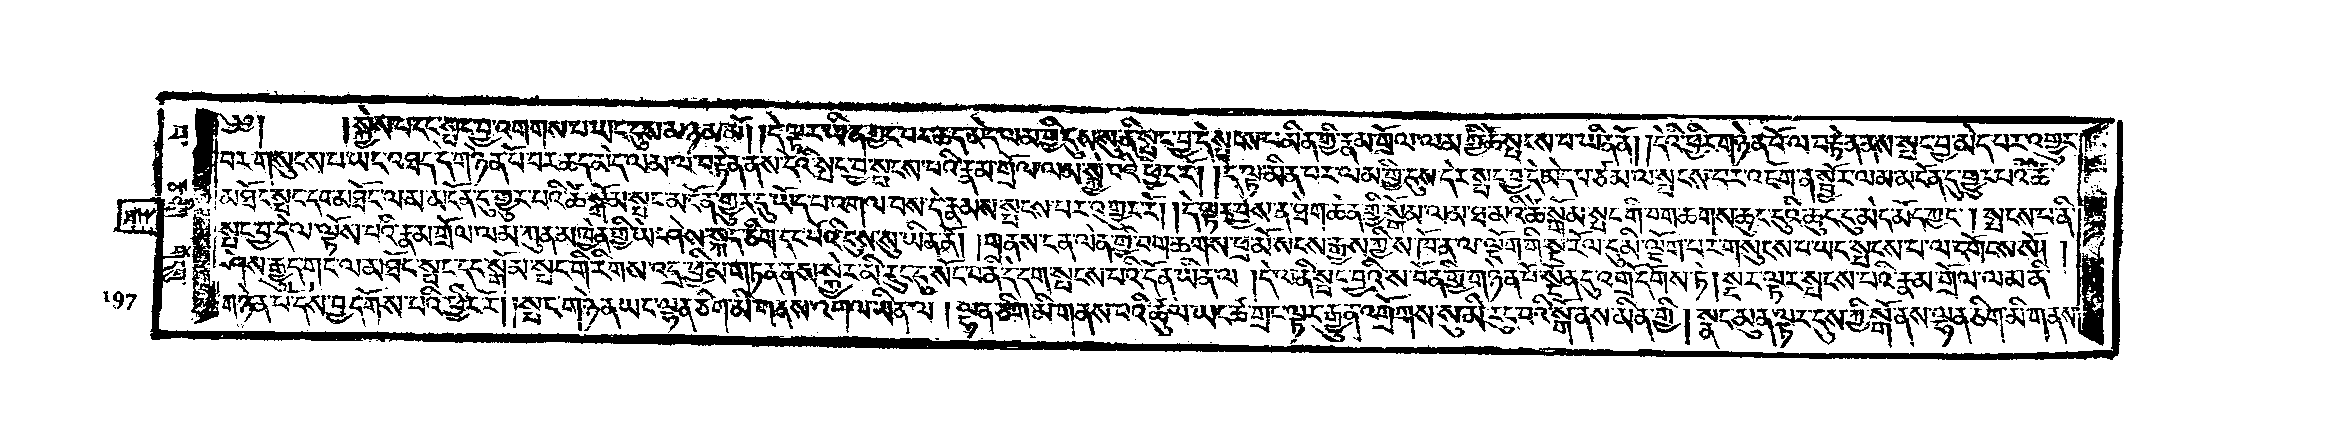༄༅། །སྐྱེས་པ་དང་སྤང་བྱ་འགགས་པ་ཡང་དུས་མཉམ་མོ། །དེ་ལྟར་ཡིན་ཀྱང་བར་ཆད་མེད་ལམ་གྱི་དུས་སུ་ནི་སྤང་བྱ་དེ་སྤངས་པ་མིན་གྱི་རྣམ་གྲོལ་ལམ་གྱི་ཚེ་སྲངས་པ་ཡིན་ནོ། དེའི་ཕྱིར་གཉེན་པོ་ལ་བརྟེན་ནས་སྤང་བྱ་མེད་པར་འགྱུར་
བར་གསུངས་པ་ཡང་འཐད་དེ་གཉེན་པོ་བར་ཆད་མེད་ལམ་ལ་བརྟེན་ནས་དེའི་སྤང་བྱ་སྤངས་པའི་རྣམ་གྲོལ་ལམ་སྐྱེ་བའི་ཕྱིར་རོ། །དེ་ལྟ་མིན་པར་ལམ་གྱི་དུས་དེར་སྤང་བྱ་དེ་མེད་བ་ཅམ་ལ་སྤངས་པར་འྔོག་ན་སྦྱེར་ལམ་མངོན་དུ་གྱུར་པའི་ཚེ་
མཐོང་སྤང་དང་མཐོང་ལམ་མངོན་དུ་གྱུར་པའི་ཚེ་སྒོམ་སྤང་མངོན་གྱུར་དུ་ཡོད་པ་འགལ་བས་སྡེ་རྣམས་པན་པར་འགྱུར་རོ་།དེ་ལྟར་བྱས་ན་ཐེག་ཆེན་གྱི་སྒོམ་ལམ་ཐ་མའི་ཚེ་སྒོམ་སྤངས་གི་བག་ཆགས་ཆུང་ངུའི་ཆུང་ངུའི་ཆུང་དུ་མེད་མོད་ཀྱང་། སྤངས་པ་ནི་
སྤང་བྱ་དེ་ལ་ལྟོས་པའི་རྣམ་གྲོལ་ལམ་ཀུན་མཁྱེན་གྱི་ཡེ་ཤེས་སྐད་ཅིག་དང་པའི་དུས་སུ་ཡིན་ནོ། །གནས་ངན་ལེན་གྱི་བག་ཆགས་ཕྲ་མོ་སངས་རྒྱས་ཀྱི་ས་ཁོ་ན་ལ་ལྡོག་གི་སྔ་རོལ་དུ་མི་ལྡོག་པར་གསུངས་པ་ཡང་སྤངས་པ་ལ་དགོངས་སོ། །
ཤེས་རྒྱུད་གང་ལ་མཐོང་སྤང་དང་སྒོམ་སྤང་གི་རིགས་འདྲ་ཕྱི་མ་གཏན་ནས་སྐྱེར་མི་རུང་དུ་སོང་པ་ནི་དེ་དག་སྤངས་པའི་དོན་ཡིན་ལ་།དེ་ལ་ནི་སྤང་བྱའི་ས་བོན་གྱི་གཉེན་པོ་སྔོན་དུ་འགྲོ་དགོས་ཏེ། སྔར་ལྟར་སྤངས་པའི་རྣམ་གྲོལ་ལམ་ནི་
གཉེན་པོ་དེས་བྱ་དགོས་པའི་ཕྱིར་རོ། །སྤང་གཉེན་ཡང་ལྷན་ཅིག་མི་གནས་འགལ་ཡིན་ལ། ལྷན་ཅིག་མི་གནས་པའི་ཚུལ་ཡང་ཚ་གྲང་ལྟར་རྒྱུན་འགྲོགས་སུ་མི་རུང་པའི་སྐོ་ནས་མིན་གྱི། སྣང་མུན་ལྟར་དུས་ཀྱི་སྒོ་ནས་ལྷན་ཅིག་མི་གནས་